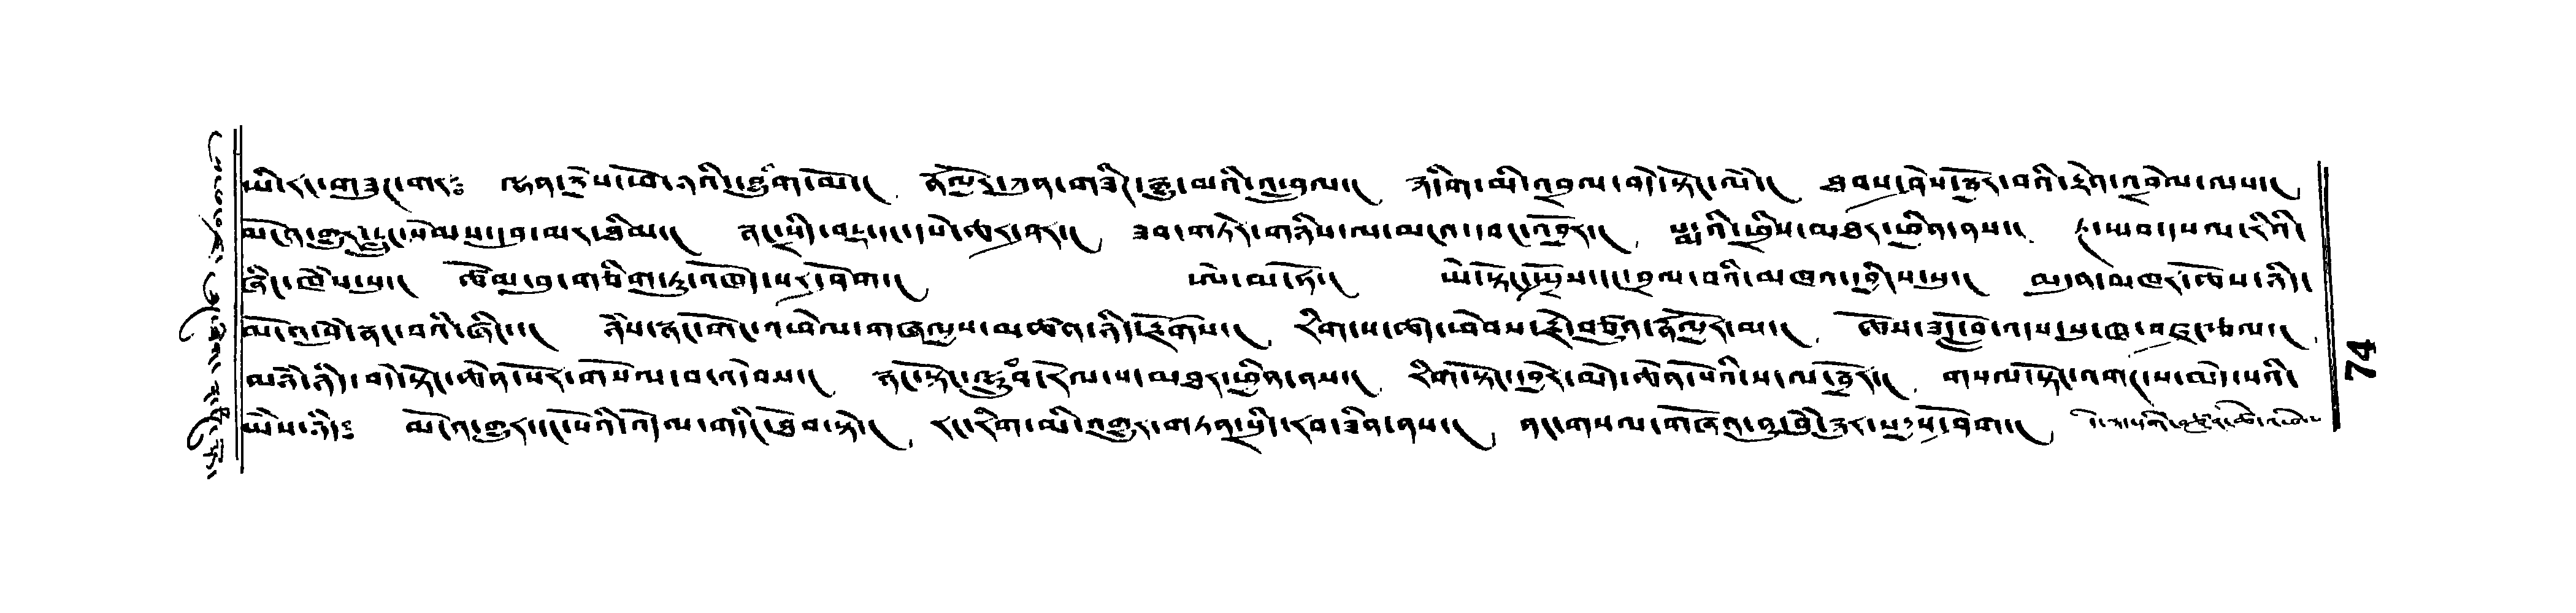ཡི་རང་གཟུགས་གར། །ལྷན་སྐྱེས་ཕོ་ཉའི་དབང་ཕྱུག་མོ། །རྣལ་འབྱོར་ཀུན་གཟིགས་སྒྱུ་མའི་འཕྲུལ། །སྐད་ཅིག་མི་འབྲལ་བདེ་སྟོང་ལམ། །ཐབས་ཤེས་སྦྱོར་བའི་རྟེན་འབྲེལ་ལས། །
མངོན་གྱུར་རླུང་སེམས་དབུ་མར་ཐིམ། །སྣང་སྲིད་བརྡ་དང་དཔེ་ཆར་ཤར། །ཟབ་གཏེར་གཉིས་ལ་མངའ་དབང་འབྱོར། །པདྨའི་ཕྲིན་ལས་མཐར་ཕྱིན་ནས། །རྔ་ཡབ་དཔལ་རིའི་
ཞིང་ཁམས་སུ་། །ཚོམ་བུ་གཅིག་ཏུ་འཁོད་པར་ཤོག ཨེ་མ་ཧོ། ཡེ་སྟོང་སྤྲོས་དང་བྲལ་བའི་མཁའ་དབྱིངས་སུ། །མདུན་མཁར་ཆོས་ཉིད་
མངོན་སུམ་སྣང་བའི་ཞིང་། །ཉམས་སྣང་གོང་འཕེལ་གཞལ་ཡས་མཚན་ཉིད་རྫོགས། །རིག་པ་ཚད་ཕེབས་རྗེ་བཙུན་རྣལ་འབྱོར་མ། །ཆོས་ཟད་བློ་འདས་སུ་ཁ་བཛྲ་རྩལ། །
མཉམ་ཉིད་བདེ་སྟོང་ཆེན་པོར་གསོལ་བ་འདེབས། །སྣང་སྟོང་ལྷུན་གྲུབ་རོལ་པ་མཐར་ཕྱིན་ནས། །རིག་སྟོང་དབྱེར་མེད་ཆེན་པོའི་ས་ལ་སྦྱོར། །གསལ་སྟོང་འགག་པ་མེད་པའི་
ཡེ་ཤེས་ཉིད། །མངོན་གྱུར་དང་པོའི་འོད་གསལ་གདིང་ཐོབ་སྟེ། རང་རིག་མི་འགྱུར་གཏན་སྲིད་རབ་ཟིན་ནས། ནང་གསལ་གཞོན་ནུ་བུམ་སྐུར་སངས་རྒྱས་ཤོག དེ་སྐད་དགེ་བཙུན་ཚེ་འཕེལ་